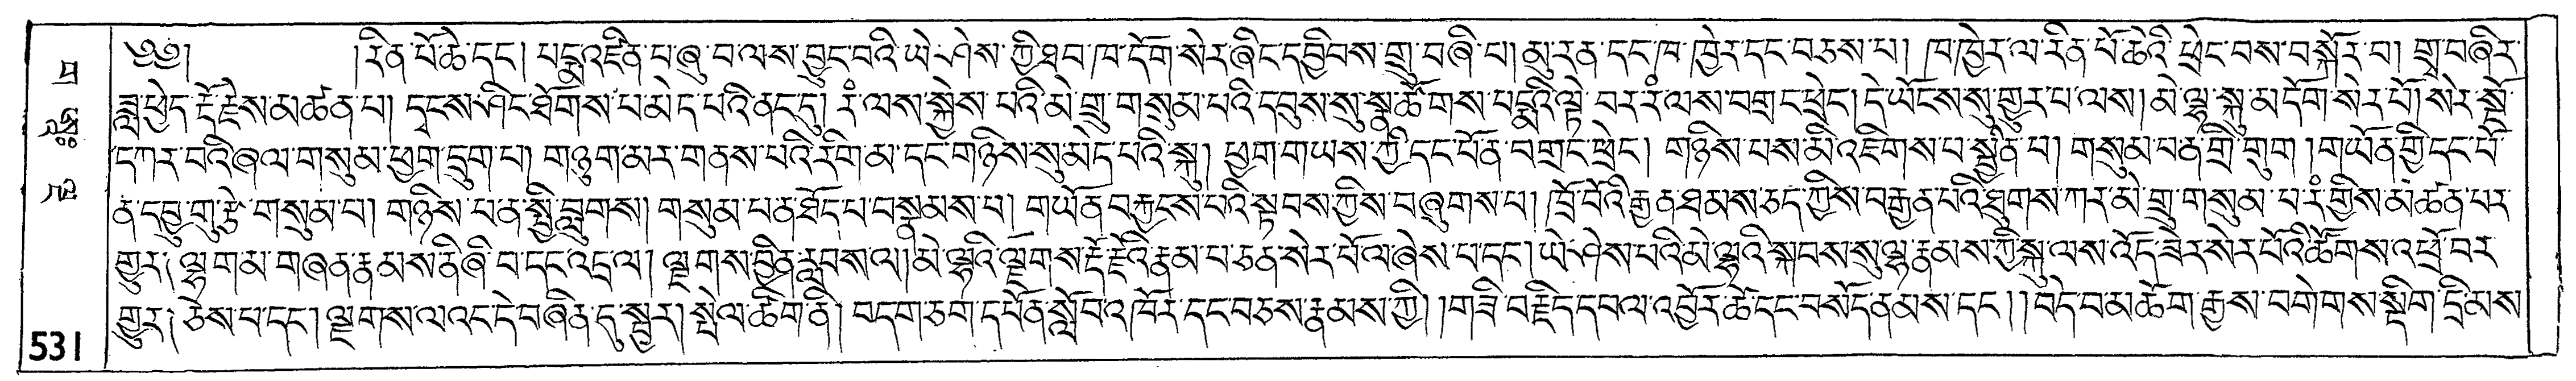༄༅། །རིན་པོ་ཆེ་དང་། པདམ་འཛིན་པ་ཞུ་བ་ལས་བྱུང་བའི་ཡེ་ཤེས་ཀྱི་ཐབ་ཁ་དོག་སེར་ཞིང་དབྱིབས་གྲུ་བཞི་པ། མུ་རན་དང་ཁ་ཁྱེར་དང་བཅས་པ། ཁ་ཁྱེར་ལ་རིན་པོ་ཆེའི་ཕྲེང་བས་བསྐོར་བ། གྲྭ་བཞིར་
ཟླ་ཕྱེད་རྡོ་རྗེས་མཚན་པ། དྭངས་ཤིང་ཐོགས་པ་མེད་པའི་ནང་དུ། རཾ་ལས་སྐྱེས་པའི་མེ་གྲུ་གསུམ་པའི་དབུས་སུ་སྣ་ཚོགས་པདམའི་ལྟེ་བར་རཾ་ལས་བགྲང་ཕྲེང་། དེ་ཡོངས་སུ་གྱུར་པ་ལས། མེ་ལྷ་སྐུ་མདོག་སེར་པོ། སེར་སྔོ་
དཀར་བའི་ཞལ་གསུམ་ཕྱག་དྲུག་པ། གཉུག་མར་གནས་པའི་རིག་མ་དང་གཉིས་སུ་མེད་པའི་སྐུ། ཕྱག་གཡས་ཀྱི་དང་པོ་ན་བགྲང་ཕྲེང་། གཉིས་པས་མི་འཇིགས་པ་སྦྱིན་པ། གསུམ་པ་ན་གྲི་གུག །གཡོན་གྱི་དང་པོ་
ན་དབྱུ་གུ་རྩེ་གསུམ་པ། གཉིས་པ་ན་སྤྱི་བླུགས། གསུམ་པ་ན་ཐོད་པ་བསྣམས་པ། གཡོན་བརྐྱངས་པའི་སྟབས་ཀྱིས་བཞུགས་པ། ཁྲོ་བོའི་རྒྱན་ཐམས་ཅད་ཀྱིས་བརྒྱན་པའི་ཐུགས་ཀར་མེ་གྲུ་གསུམ་པ་རཾ་གྱིས་མཚན་པར་
གྱུར༑ ལྷག་མ་གཞན་རྣམས་ནི་ཞི་བ་དང་འདྲ་ལ། ལྗགས་བྱིན་རླབས་ལ། མེ་ལྷའི་ལྗགས་རྡོ་རྗེའི་རྣམ་པ་ཅན་སེར་པོ་ལ་ཞེས་པ་དང་། ཡེ་ཤེས་པའི་མེ་ལྷའི་སྐབས་སུ་ལྷ་རྣམས་ཀྱི་སྐུ་ལས་འོད་ཟེར་སེར་པོའི་ཚོགས་འཕྲོ་བར་
གྱུར༑ ཅེས་པ་དང་། ལྗགས་ལའང་དེ་བཞིན་དུ་སྦྱར། སྤེལ་ཚིག་ནི། བདག་ཅག་དཔོན་སློབ་འཁོར་དང་བཅས་རྣམས་ཀྱི། །གཟི་བརྗིད་དཔལ་འབྱོར་ཚེ་དང་བསོད་ནམས་དང་། །བདེ་བ་མཆོག་རྒྱས་བགེགས་སྡིག་དྲི་མས་